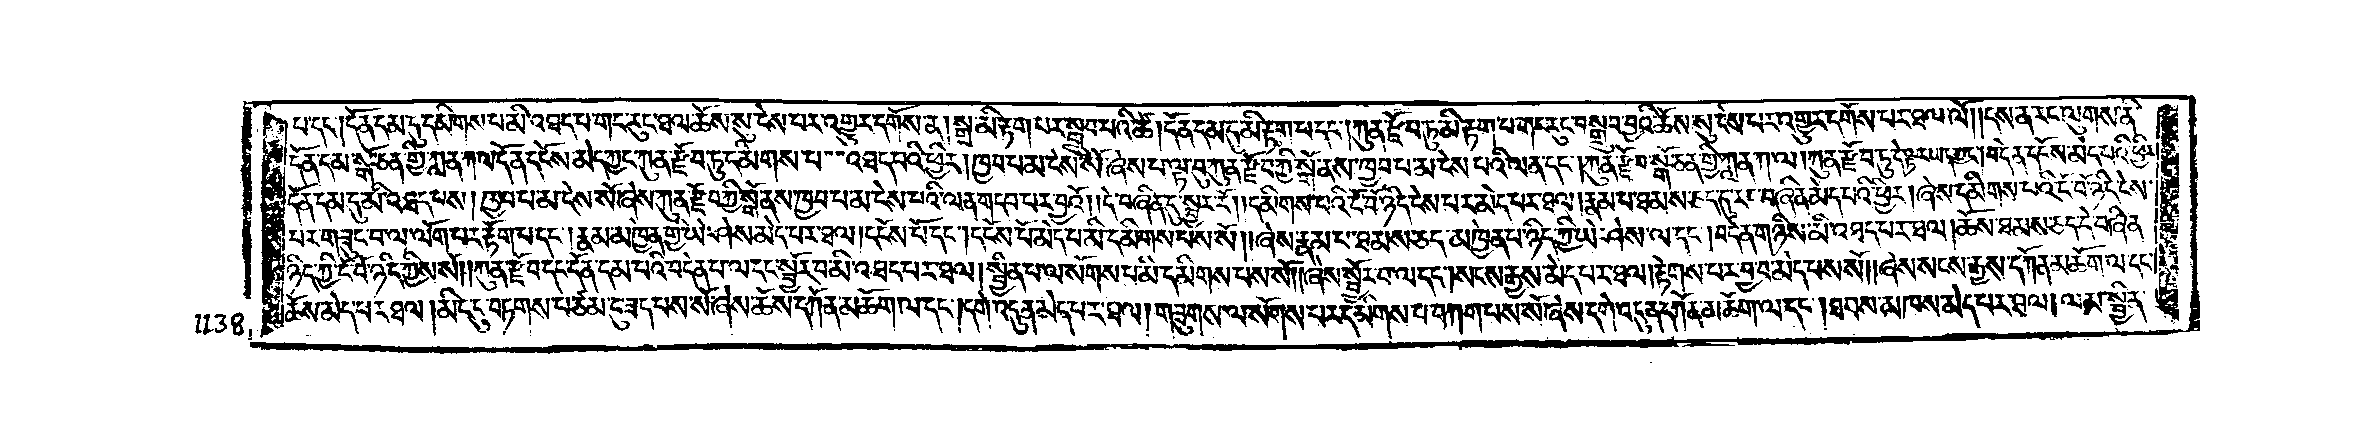པ་དང་། དོན་དམ་དུ་དམིགས་པ་མི་འཐད་པ་གང་རུང་ཐལ་ཆོས་སུ་ངེས་པར་འགྱུར་དགོས་ན། སྒྲ་མི་རྟག་པར་སྒྲུབ་པའི་ཚེ། དོན་དམ་དུ་མི་རྟག་པ་དང་། ཀུན་རྫོབ་ཏུ་མི་རྟག་པ་གང་རུང་བསྒྲུབ་བྱའི་ཆོས་སུ་ངེས་པར་འགྱུར་དགོས་པར་ཐལ་ལོ། །དེས་ན་རང་ལུགས་ནི་
དོན་དམ་སྒོ་ཅན་གྱི་ཀླན་ཀ་ལ་དོན་དངོས་མེད་ཀྱང་ཀུན་རྫོབ་ཏུ་དམིགས་པ་འཐད་པའི་ཕྱིར། ཁྱབ་པ་མ་ངེས་སོ་ཞེས་པ་ལྟ་བུ་ཀུན་རྫོབ་ཀྱི་སྒོ་ནས་ཁྱབ་པ་མ་ངེས་པའི་ལན་དང་། ཀུན་རྫོབ་སྒོ་ཅན་གྱི་ཀླན་ཀ་ལ། ཀུན་རྫོབ་ཏུ་དེ་ལྟར་ཡོད་ཀྱང་། བདེན་དངོས་མེད་པའི་ཕྱིར་
དོན་དམ་དུ་མི་འཐད་པས། ཁྱབ་པ་མ་ངེས་སོ་ཞེས་ཀུན་རྫོབ་ཀྱི་སྒོ་ནས་ཁྱབ་པ་མ་ངེས་པའི་ལན་གདབ་པར་བྱའོ། །དེ་བཞིན་དུ་སྦྱར་རོ། །དམིགས་པའི་ངོ་བོ་ཉིད་ངེས་པར་མེད་པར་ཐལ། རྣམ་པ་ཐམས་ཅད་དུ་རང་བཞིན་མེད་པའི་ཕྱིར། ཞེས་དམིགས་པའི་ངོ་བོ་ཉིད་ངེས་
པར་གཟུང་བ་ལ་ལོག་པར་རྟོག་པ་དང་། རྣམ་མཁྱེན་གྱི་ཡེ་ཤེས་མེད་པར་ཐལ། དངོས་པོ་དང་། དངོས་པོ་མེད་པ་མི་དམིགས་པས་སོ། །ཞེས་རྣམ་པ་ཐམས་ཅད་མཁྱེན་པ་ཉིད་ཀྱི་ཡེ་ཤེས་ལ་དང་། བདེན་གཉིས་མི་འཐད་པར་ཐལ། ཆོས་ཐམས་ཅད་དེ་བཞིན་
ཉིད་ཀྱི་ངོ་བོ་ཉིད་ཀྱིས་སོ། །ཀུན་རྫོབ་དང་དོན་དམ་པའི་བདེན་པ་ལ་དང་སྦྱོར་བ་མི་འཐད་པར་ཐལ། སྦྱིན་པ་ལ་སོགས་པ་མི་དམིགས་པས་སོ། །ཞེས་སྦྱོར་བ་ལ་དང་། སངས་རྒྱས་མེད་པར་ཐལ། རྟོགས་པར་བྱ་བ་མེད་པས་སོ། །ཞེས་སངས་རྒྱས་དཀོན་མཆོག་ལ་དང་
ཆོས་མེད་པར་ཐལ། མིང་དུ་བཏགས་པ་ཙམ་དུ་ཟད་པས་སོ་ཞེས་ཆོས་དཀོན་མཆོག་ལ་དང་། དགེ་འདུན་མེད་པར་ཐལ། གཟུགས་ལ་སོགས་པར་དམིགས་པ་བཀག་པས་སོ་ཞེས་དགེ་འདུན་དཀོན་མཆོག་ལ་དང་། ཐབས་མཁས་མེད་པར་ཐལ། ལམ་སྦྱིན་